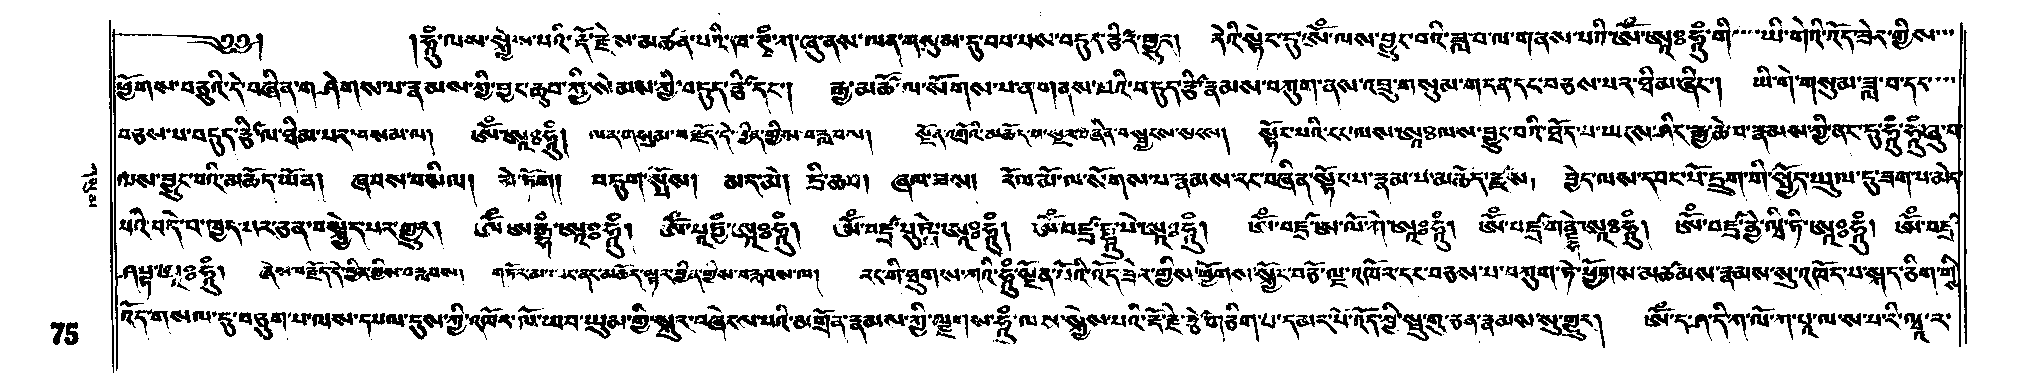༄༅། །ཧཱུཾ་ལས་སྐྱེས་པའི་རྡོ་རྗེས་མཚན་པའི་ཁ་ཊྭཾ་ཀ་ཞུ་ནས་ལན་གསུམ་དུ་བབ་པས་བདུད་རྩིར་གྱུར། དེའི་སྟེང་དུ་ཨོཾ་ལས་བྱུང་བའི་ཟླ་བ་ལ་གནས་པའི་ཨོཾ་ཨཱཿ ཧཱུཾ་གི་ཡི་གེའི་འོད་ཟེར་གྱིས་
ཕྱོགས་བཅུའི་དེ་བཞིན་གཤེགས་པ་རྣམས་ཀྱི་བྱང་ཆུབ་ཀྱི་སེམས་ཀྱི་བདུད་རྩི་དང་། རྒྱ་མཚོ་ལ་སོགས་པ་ན་གནས་པའི་བདུད་རྩི་རྣམས་བཀུག་ནས་འབྲུ་གསུམ་གདན་དང་བཅས་པར་ཐིམ་ཞིང་། ཡི་གེ་གསུམ་ཟླ་བ་དང་
བཅས་པ་བདུད་རྩི་ལ་ཐིམ་པར་བསམ་ལ། ཨོཾ་ཨཱཿ ཧཱུཾ། ལན་གསུམ་བརྗོད་དེ་བྱིན་གྱིས་བརླབས། སྔོན་འགྲོའི་མཆོད་པ་སྔར་བཞིན་བསྦྱངས་སངས།  སྟོང་པའི་ངང་ལས་ཨཱཿ ལས་བྱུང་བའི་ཐོད་པ་ཡངས་ཤིང་རྒྱ་ཆེ་བ་རྣམས་ཀྱི་ནང་དུ་ཧཱུཾ་ཧཱུཾ་ཞུ་བ་
ལས་བྱུང་བའི་མཆོད་ཡོན། ཞབས་བསིལ། མེ་ཏོག། བདུག་སྤོས། མར་མེ། དྲི་ཆབ། ཞལ་ཟས། རོལ་མོ་ལ་སོགས་པ་རྣམས་རང་བཞིན་སྟོང་པ་རྣམ་པ་མཆོད་རྫས། བྱེད་ལས་དབང་པོ་དྲུག་གི་སྤྱོད་ཡུལ་དུ་ཟག་པ་མེད་
པའི་བདེ་བ་ཁྱད་པར་ཅན་བསྐྱེད་པར་གྱུར། ཨོཾ་ཨརྒྷཾ་ཨཱཿ ཧཱུཾ། ཨོཾ་པཱཏྱཾ་ཨཱཿ ཧཱུཾ། ཨོཾ་བཛྲ་པུཥྤེ་ཨཱཿ ཧཱུཾ། ཨོཾ་བཛྲ་དྷཱུ་པེ་ཨཱཿ ཧཱུཾ། ཨོཾ་བཛྲ་ཨ་ལོ་ཀེ་ཨཱཿ ཧཱུཾ། ཨོཾ་བཛྲ་གནྡྷེ་ཨཱཿ ཧཱུཾ། ཨོཾ་བཛྲ་ནྱེ་ལྭི་ཏི་ཨཱཿ ཧཱུཾ། ཨོཾ་བཛྲ་
ཤཔྟ་ཨཱཿ ཧཱུཾ། ཞེས་བརྗོད་དེ་བྱིན་གྱིས་བརླབས། གཏོར་མ་ཡང་ནང་མཆོད་ལྟར་བྱིན་གྱིས་བརླབས་ལ།  རང་གི་ཐུགས་ཀའི་ཧཱུཾ་སྔོན་པོའི་འོད་ཟེར་གྱིས་ཕྱོགས་སྐྱོང་བཅོ་ལྔ་འཁོར་དང་བཅས་པ་བཀུག་ཏེ་ཕྱོགས་མཚམས་རྣམས་སུ་འཁོད་པ་སྐད་ཅིག་གིས་
འོད་གསལ་དུ་བཅུག་པ་ལས་དཔལ་དུས་ཀྱི་འཁོར་ལོ་ཡབ་ཡུམ་གྱི་སྐུར་བཞེངས་པའི་མགྲོན་རྣམས་ཀྱི་ལྗགས་ཧཱུཾ་ལས་སྐྱེས་པའི་རྡོ་རྗེ་རྩེ་གཅིག་པ་དམར་པོ་འོད་ཀྱི་སྦུ་གུ་ཅན་རྣམས་སུ་གྱུར། ཨོཾ་ད་ཤ་དི་ཀ་ལོ་ཀ་པཱ་ལ་ས་པ་རི་ཝཱ་ར་